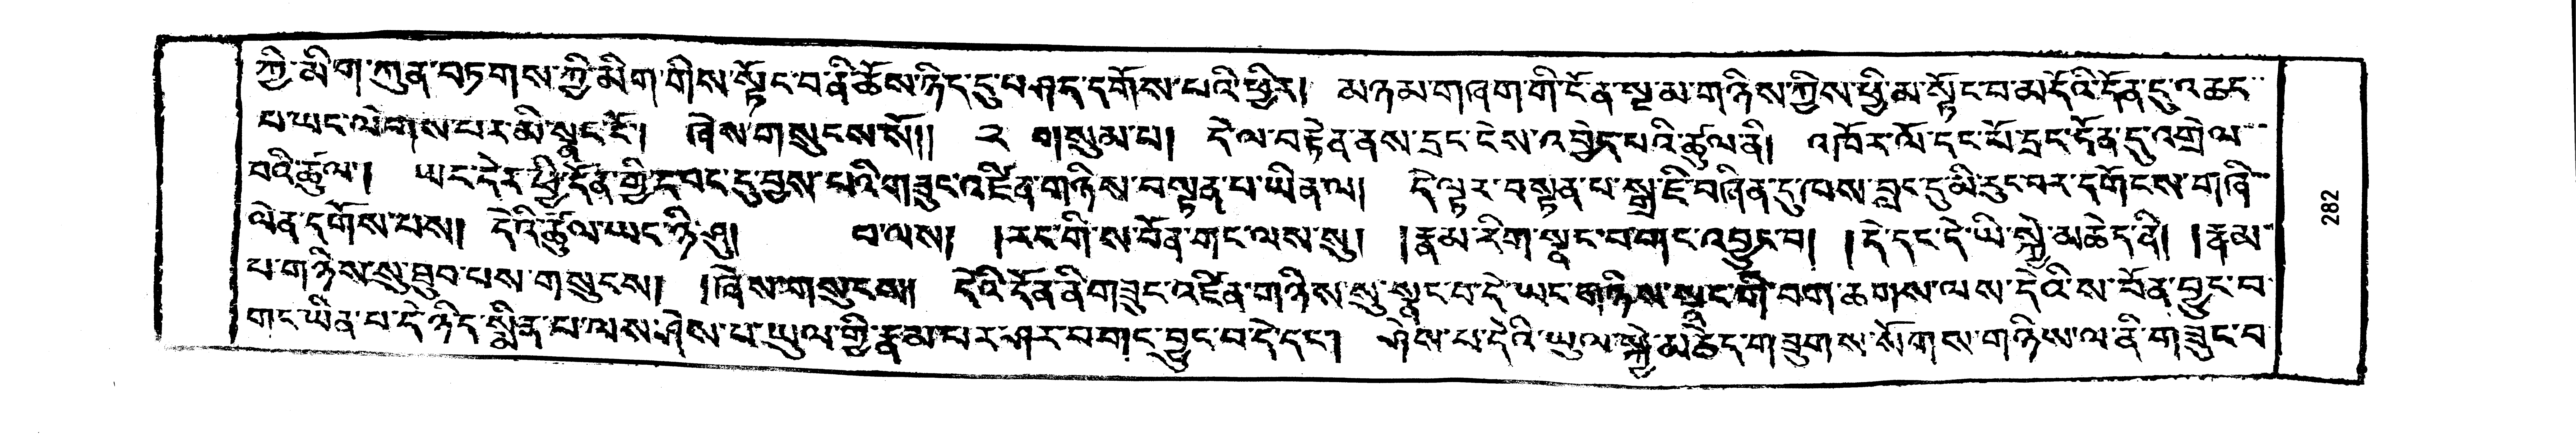ཀྱི་མིག་ཀུན་བཏགས་ཀྱི་མིག་གིས་སྟོང་བ་ནི་ཆོས་ཉིད་དུ་བཤད་དགོས་པའི་ཕྱིར། མཉམ་གཞག་གི་དོན་སྔ་མ་གཉིས་ཀྱིས་ཕྱི་མ་སྟོང་བ་མདོའི་དོན་དུ་འཆང་
བ་ཡང་ལེགས་པར་མི་སྣང་ངོ། ཞེས་གསུངས་སོ། ༢་གསུམ་པ། དེ་ལ་བརྟེན་ནས་དྲང་ངེས་འབྱེད་པའི་ཚུལ་ནི། འཁོར་ལོ་དང་པོ་དྲང་དོན་དུ་འགྲེལ་
པའི་ཚུལ། ཡང་དེར་ཕྱི་དོན་གྱི་དབང་དུ་བྱས་པའི་གཟུང་འཛིན་གཉིས་བསྟན་པ་ཡིན་ལ། དེ་ལྟར་བསྟན་པ་སྒྲ་ཇི་བཞིན་དུ་ཁས་བླང་དུ་མི་རུང་བར་དགོངས་གཞི་
ལེན་དགོས་པས། དེའི་ཚུལ་ཡང་ཉི་ཤུ། བ་ལས། །རང་གི་ས་བོན་གང་ལས་སུ། །རྣམ་རིག་སྣང་བ་གང་འབྱུང་བ། །དེ་དང་དེ་ཡི་སྐྱེ་མཆེད་ནི། །རྣམ་
པ་གཉིས་སུ་ཐུབ་པས་གསུངས། །ཞེས་གསུངས། དེའི་དོན་ནི་གཟུང་འཛིན་གཉིས་སུ་སྣང་བ་དེ་ཡང་གཉིས་སྣང་གི་བག་ཆགས་ལས་དེའི་ས་བོན་བྱུང་བ་
གང་ཡིན་པ་དེ་ཉིད་སྨིན་པ་ལས་ཤེས་པ་ཡུལ་གྱི་རྣམ་པར་ཤར་བ་གང་བྱུང་བ་དེ་དང་། ཤེས་པ་དེའི་ཡུལ་སྐྱེ་མཆེད་གཟུགས་སོགས་གཉིས་ལ་ནི་གཟུང་བ་